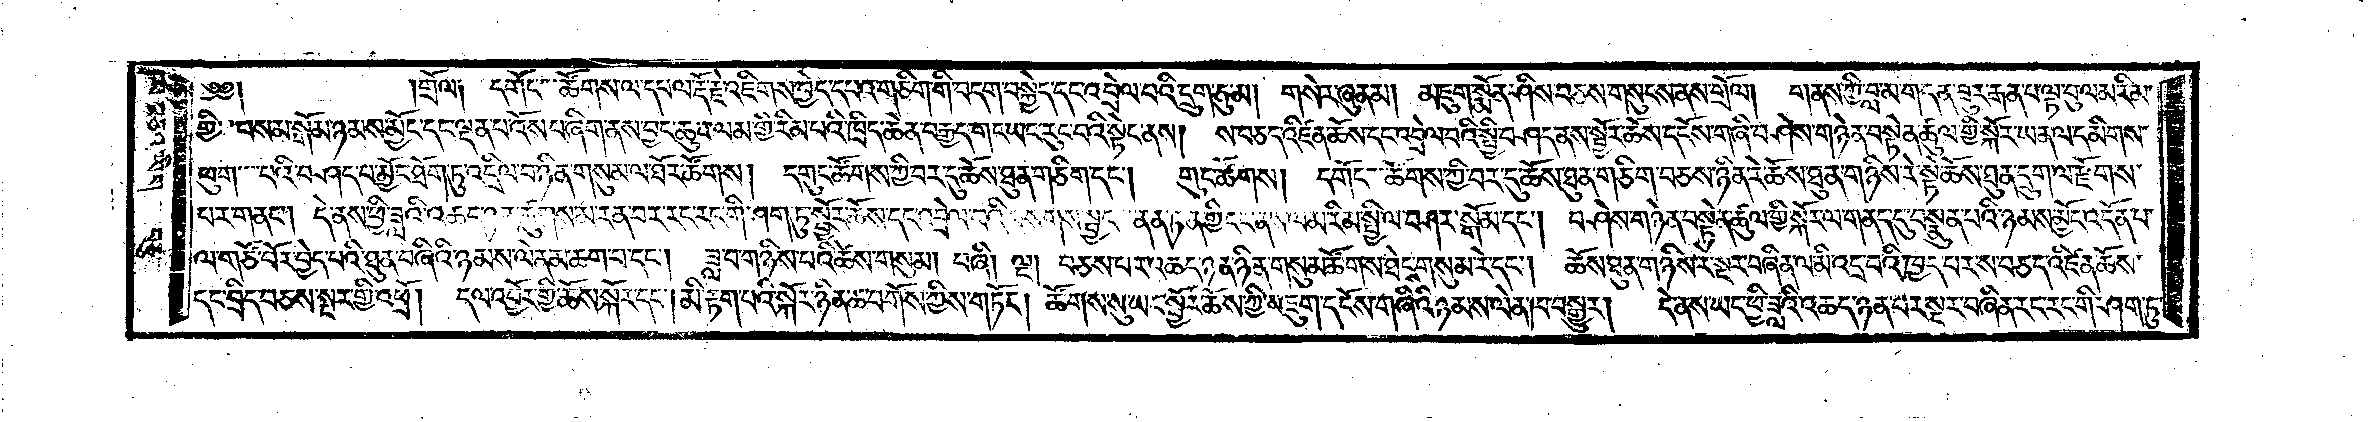༄༅། །གྲོལ༑ དགོང་ཚོགས་ལ་དཔལ་རྡོ་རྗེ་འཇིགས་བྱེད་དཔའ་གཅིག་གི་བདག་བསྐྱེད་དང་འབྲེལ་བའི་དྲུག་ཅུ་མ། གསེར་ཞུན་མ། མཇུག་སྨོན་ཤིས་བཅས་གསུངས་ནས་གྲོལ། གནས་ཀྱི་བླ་མ་གདན་ཟུར་རྒན་པ་ལྟ་བུ་ལམ་རིམ་
གྱི་བསམ་སྒོམ་ཉམས་མྱོང་དང་ལྡན་པ་འོས་པ་ཞིག་ནས་བྱང་ཆུབ་ལམ་གྱི་རིམ་པའི་ཁྲིད་ཆེན་བརྒྱད་གང་ཡང་རུང་བའི་སྟེང་ནས། ས་བཅད་འཛིན་ཆོས་དང་འབྲེལ་བའི་སྤྱི་བཤད་ནས་སྦྱོར་ཆོས་དངོས་གཞི་བཤེས་གཉེན་བསྟེན་ཚུལ་གྱི་སྐོར་ཡན་ལ་དམིགས་
ཕུག་པའི་བཤད་པ་མྱོང་ཐོག་ཏུ་འདྲིལ་བ་ཉིན་གསུམ་ལ་ཐོར་ཚོགས། དགུང་ཚོགས་ཀྱི་བར་དུ་ཆོས་ཐུན་གཅིག་དང་། གུང་ཚོགས། དགོང་ཚོགས་ཀྱི་བར་དུ་ཆོས་ཐུན་གཅིག་བཅས་ཉིན་རེ་ཆོས་ཐུན་གཉིས་རེ་སྟེ་ཆོས་ཐུན་དྲུག་ལ་རྫོགས་
པར་གནང་། དེ་ནས་ཕྱི་ཟླའི་འཆད་ཉན་ཚུགས་མ་རན་བར་རང་རང་གི་ཤག་ཏུ་སྦྱོར་ཆོས་དང་འབྲེལ་བའི་བསགས་སྦྱང་ནན་ཏན་གྱི་ངན་ནས་ལམ་རིམ་སྤྱི་ལ་བཤར་སྒོམ་དང་། བཤེས་གཉེན་བསྟེན་ཚུལ་གྱི་སྐོར་ལ་གནད་དུ་བསྣུན་པའི་ཉམས་མྱོང་འདོན་པ་
ལ་གཙོ་བོར་བྱེད་པའི་ཐུན་བཞིའི་ཉམས་ལེན་མ་ཆག་པ་དང་། ཟླ་བ་གཉིས་པའི་ཚེས་གསུམ། བཞི། ལྔ། བཅས་པར་འཆད་ཉན་ཉིན་གསུམ་ཚོགས་ཐེངས་གསུམ་རེ་དང་། ཆོས་ཐུན་གཉིས་རེ་སྔར་བཞིན་ལ་མི་འདྲ་བའི་ཁྱད་པར་ས་བཅད་འཛིན་ཆོས་
དང་བྲིད་བཅས་སྔར་གྱི་འཕྲོ། དལ་འབྱོར་གྱི་ཆོས་སྐོར་དང་། མི་རྟག་པའི་སྐོར་ཉིན་ཆ་བགོས་ཀྱིས་གཏོང་། ཚོགས་སུ་ཡང་སྦྱོར་ཆོས་ཀྱི་མཇུག་དངོས་གཞིའི་ཉམས་ལེན་ཁ་བསྒྱུར། དེ་ནས་ཡང་ཕྱི་ཟླའི་འཆད་ཉན་བར་སྔར་བཞིན་རང་རང་གི་ཤག་ཏུ་